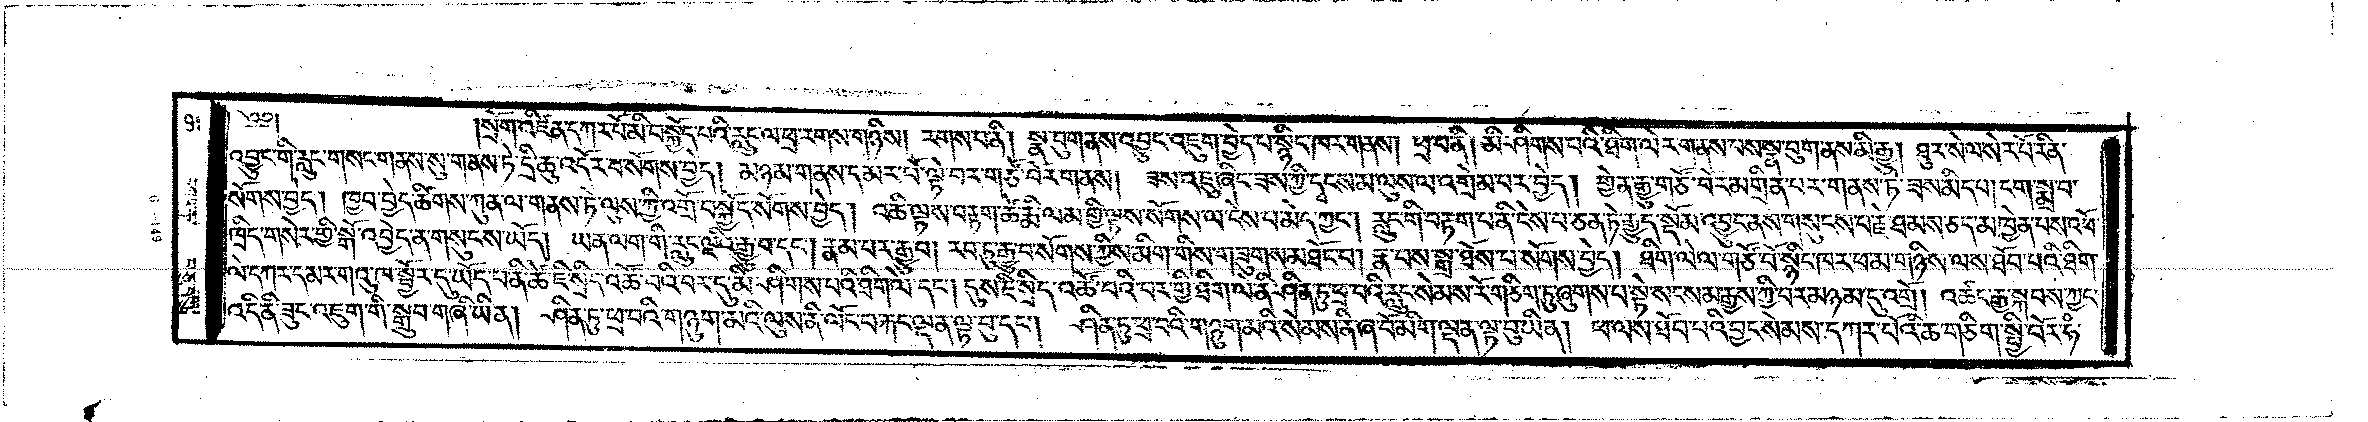༄༅། །སྲོག་འཛིན་དཀར་པོ་མི་བསྐྱོད་པའི་རླུང་ལ་ཕྲ་རགས་གཉིས། རགས་པ་ནི། སྣ་བུག་ནས་འབྱུང་འཇུག་བྱེད་པ་སྙིང་ཁར་གནས། ཕྲ་
འབྱུང་གི་རླུང་གསང་གནས་སུ་གནས་ཏེ་དྲི་ཆུ་འདོར་བ་སོགས་བྱེད། མཉམ་གནས་དམར་པོ་ལྟེ་བར་གཙོ་བོར་གནས། ཟས་འཇུ་ཞིང་ཟས་ཀྱི་དྭངས་མ་ལུས་ལ་འགྲེམ་བར་བྱེད། གྱེན་རྒྱུ་གཙོ་བོར་མགྲིན་པར་གནས་ཏེ་ཟས་མིད་པ། ངག་སྨྲ་བ་
སོགས་བྱེད། ཁྱབ་བྱེད་ཚིགས་ཀུན་ལ་གནས་ཏེ་ལུས་ཀྱི་འགྲོ་བསྐྱོད་སོགས་བྱེད། འཆི་ལྟས་བརྟག་ཚེ་རྨི་ལམ་གྱི་ལྟས་སོགས་ལ་ངེས་པ་མེད་ཀྱང་། རླུང་གི་བརྟག་པ་ནི་ངེས་པ་ཅན་ཏེ་རྒྱུད་སྡོམ་འབྱུང་ནས་གསུངས་བ་རྗེ་ཐམས་ཅད་མཁྱེན་པས་འཕོ་
ཁྲིད་གསེར་གྱི་སྒོ་འབྱེད་ན་གསུངས་ཡོད། ཡན་ལག་གི་རླུང་ལྔའི་རྒྱུ་བ་དང་། རྣམ་པར་རྒྱུ་བ། རབ་ཏུ་རྒྱུ་བ་སོགས་ཀྱིས་མིག་གིས་གཟུགས་མཐོང་བ། རྣ་བས་སྒྲ་ཐོས་པ་སོགས་བྱེད། ཐིག་ལེ་ལ་གཙོ་བོ་སྙིང་ཁར་ཕ་མ་གཉིས་ལས་ཐོབ་པའི་ཐིག་
ལེ་དཀར་དམར་གའུ་ཁ་སྦྱོར་དུ་ཡོད་པ་ནི་ཚེ་ཇི་སྲིད་འཚོ་བའི་བར་དུ་མི་ཤིགས་པའི་ཐིག་ལེ་དང་། དུས་ཇི་སྲིད་འཚོ་བའི་བར་གྱི་ཐིག་ལེ་ནི་ཤིན་ཏུ་ཕྲ་བའི་རླུང་སེམས་རོ་གཅིག་ཏུ་ཞུགས་པ་སྟེ་སངས་རྒྱས་ཀྱི་བར་མཉམ་དུ་འགྲོ། འཚང་རྒྱ་སྐབས་ཀྱང་
འདི་ནི་ཟུང་འཇུག་གི་སྒྲུབ་གཞི་ཡིན། ཤིན་ཏུ་ཕྲ་བའི་གཉུག་མའི་ལུས་ནི་ལོང་བ་རྐང་ལྡན་ལྟ་བུ་དང་། ཤིན་ཏུ་ཕྲ་བའི་གཉུག་མའི་སེམས་ནི་ཞ་བོ་མིག་ལྡན་ལྟ་བུ་ཡིན། ཕ་ལས་ཐོབ་པའི་བྱང་སེམས་དཀར་པོའི་ཆ་གཅིག་སྤྱི་བོར་ཧཾ་